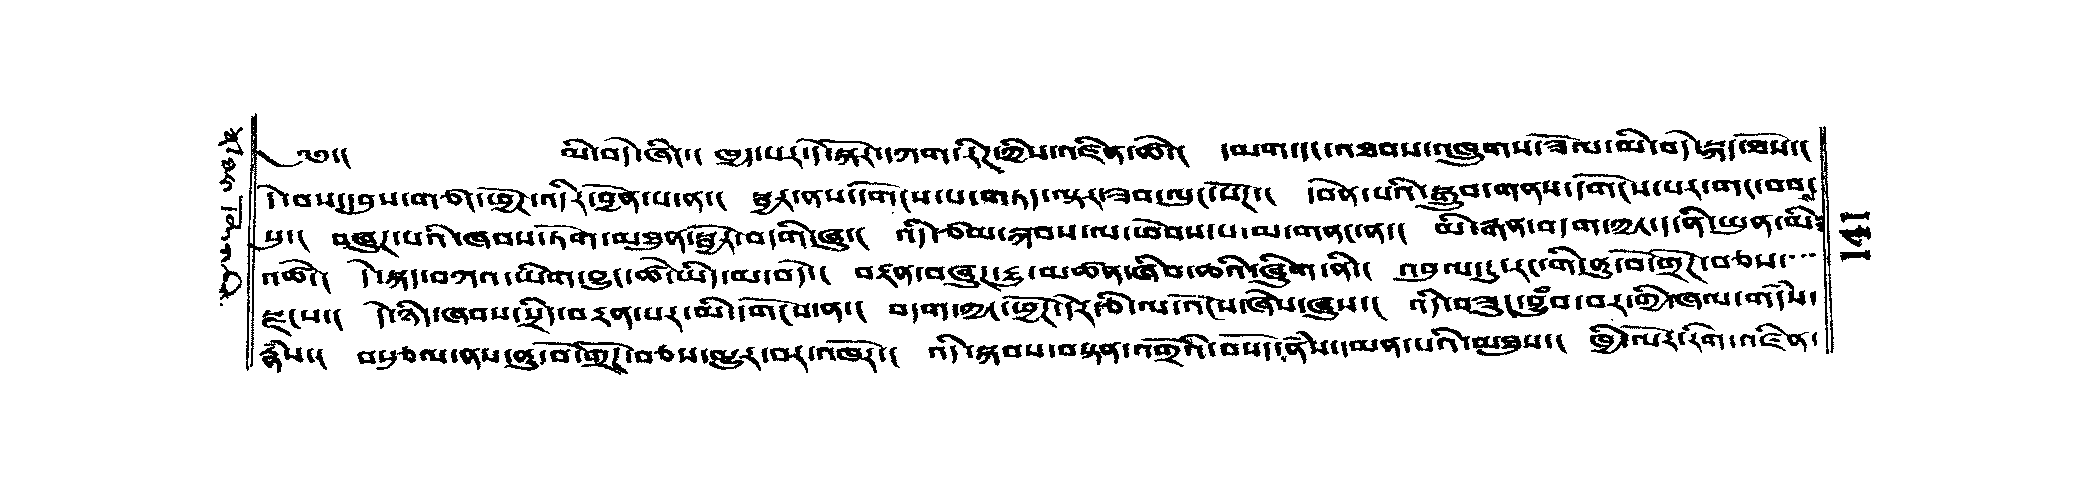མི་བདེ་ཞིང་། །ཁྱད་པར་དེ་སྐོར་བཀག་རིགས་ཀྱིས་འཛིན་ཚེ། །དམག་དང་འཐབ་འཁྲུགས་ཟོལ་མི་བདེ་སྐད་ཐོས། །
དེ་བས་དབུས་གཙང་ཕྱོགས་འདིར་བྱོན་པ་ན། །སྦྱར་ནས་དགོངས་པ་གཏད་ལྟར་ཟབ་ལུང་སོགས། །དབེན་པའི་སྒྲུབ་གནས་དགོངས་པར་གང་བབས་
སུ། །བཞུགས་པའི་ཞབས་ཏོག་མཐུན་སྦྱོར་བདག་གི་ཞུ། །འདི་ཙམ་སྐབས་ལ་ཕེབས་པ་མ་གནང་ན། །མི་རྒན་བདག་ཀྱང་ད་ནི་ཡུན་མི་
འཚོ། །དེ་སྐད་བཀའ་ཡིག་བྱུང་ཚེ་ཡིད་མ་བདེ། །བརྟན་བཞུགས་རྒྱུ་མཚན་ཞིབ་ཆའི་ཞུ་ཞིག་ནི། །འབུལ་དུ་རང་གི་ནུ་བོ་གྲོགས་བཅས་
བརྫངས། དེ་ཉིད་ཞབས་སྲིད་བརྟན་པར་མི་དགོངས་ན། །བདག་ཀྱང་ཕྱོགས་དེར་ཅི་ལ་འོང་ཞེས་ཞུས། །འདི་བཟུང་བྱང་ཆུབ་བར་གྱི་ཞལ་གདམས་
རྣམས། །བསྩལ་ནས་ནུ་བོ་གྲོགས་བཅས་མྱུར་བར་འཁོར། འདི་སྐབས་བསྟན་འགྲོའི་བསོད་ནམས་དམན་པའི་མཐུས། །ཁྱི་ལོར་རིག་འཛིན་